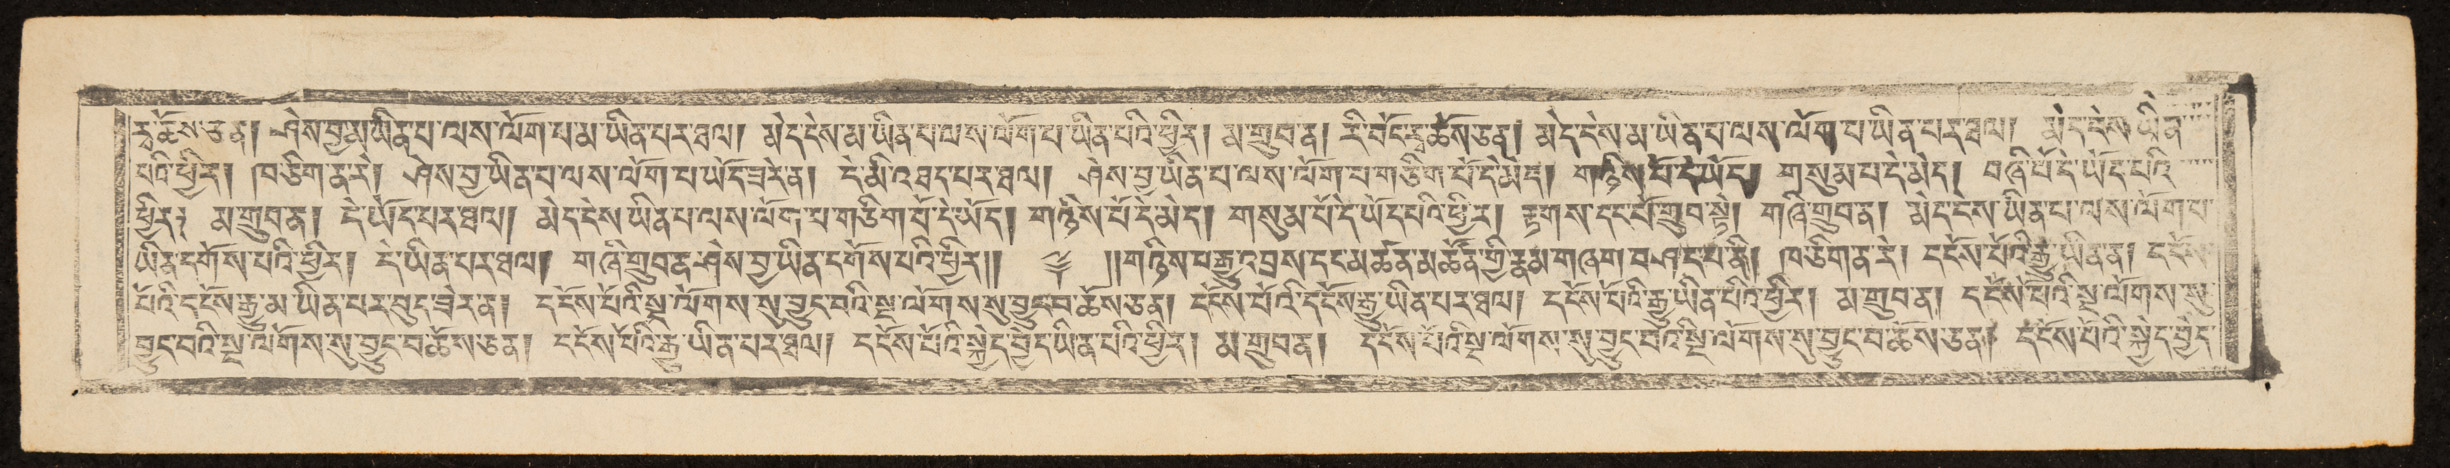རྭ་ཆོས་ཅན། ཤེས་བྱ་མ་ཡིན་པ་ལས་ལོག་པ་མ་ཡིན་པར་ཐལ། མེད་ངེས་མ་ཡིན་པ་ལས་ལོག་པ་ཡིན་པའི་ཕྱིར། མ་གྲུབ་ན། རི་བོང་རྭ་ཆོས་ཅན། མེད་ངེས་མ་ཡིན་པ་ལས་ལོག་པ་ཡིན་པར་ཐལ། མེད་ངེས་ཡིན་
པའི་ཕྱིར། ཁ་ཅིག་ན་རེ། ཤེས་བྱ་ཡིན་པ་ལས་ལོག་པ་ཡོད་ཟེར་ན། དེ་མི་འཐད་པར་ཐལ། ཤེས་བྱ་ཡིན་པ་ལས་ལོག་པ་གཅིག་པོ་དེ་མེད། གཉིས་པོ་དེ་ཡོད། གསུམ་པོ་དེ་མེད། བཞི་པོ་དེ་ཡོད་པའི་
ཕྱིར། མ་གྲུབ་ན། དེ་ཡོད་པར་ཐལ། མེད་ངེས་ཡིན་པ་ལས་ལོག་པ་གཅིག་པོ་དེ་ཡོད། གཉིས་པོ་དེ་མེད། གསུམ་པོ་དེ་ཡོད་པའི་ཕྱིར། རྟགས་དང་པོ་གྲུབ་སྟེ། གཞི་གྲུབ་ན། མེད་ངེས་ཡིན་པ་ལས་ལོག་པ་
ཡིན་དགོས་པའི་ཕྱིར། དེ་ཡིན་པར་ཐལ། གཞི་གྲུབ་ན་ཤེས་བྱ་ཡིན་དགོས་པའི་ཕྱིར། ། ༈། །གཉིས་པ་རྒྱུ་འབྲས་དང་མཚན་མཚོན་གྱི་རྣམ་གཞག་བཤད་པ་ནི། ཁ་ཅིག་ན་རེ། དངོས་པོའི་རྒྱུ་ཡིན་ན། དངོས་
པོའི་དངོས་རྒྱུ་མ་ཡིན་པར་བུད་ཟེར་ན། དངོས་པོའི་སྔ་ལོགས་སུ་བྱུང་བའི་སྔ་ལོགས་སུ་བྱུང་བ་ཆོས་ཅན། དངོས་པོའི་དངོས་རྒྱུ་ཡིན་པར་ཐལ། དངོས་པོའི་རྒྱུ་ཡིན་པའི་ཕྱིར། མ་གྲུབ་ན། དངོས་པོའི་སྔ་ལོགས་སུ་
བྱུང་བའི་སྔ་ལོགས་སུ་བྱུང་བ་ཆོས་ཅན། དངོས་པོའི་རྒྱུ་ཡིན་པར་ཐལ། དངོས་པོའི་སྐྱེད་བྱེད་ཡིན་པའི་ཕྱིར། མ་གྲུབ་ན། དངོས་པོའི་སྔ་ལོགས་སུ་བྱུང་བའི་སྔ་ལོགས་སུ་བྱུང་བ་ཆོས་ཅན། དངོས་པོའི་སྐྱེད་བྱེད་